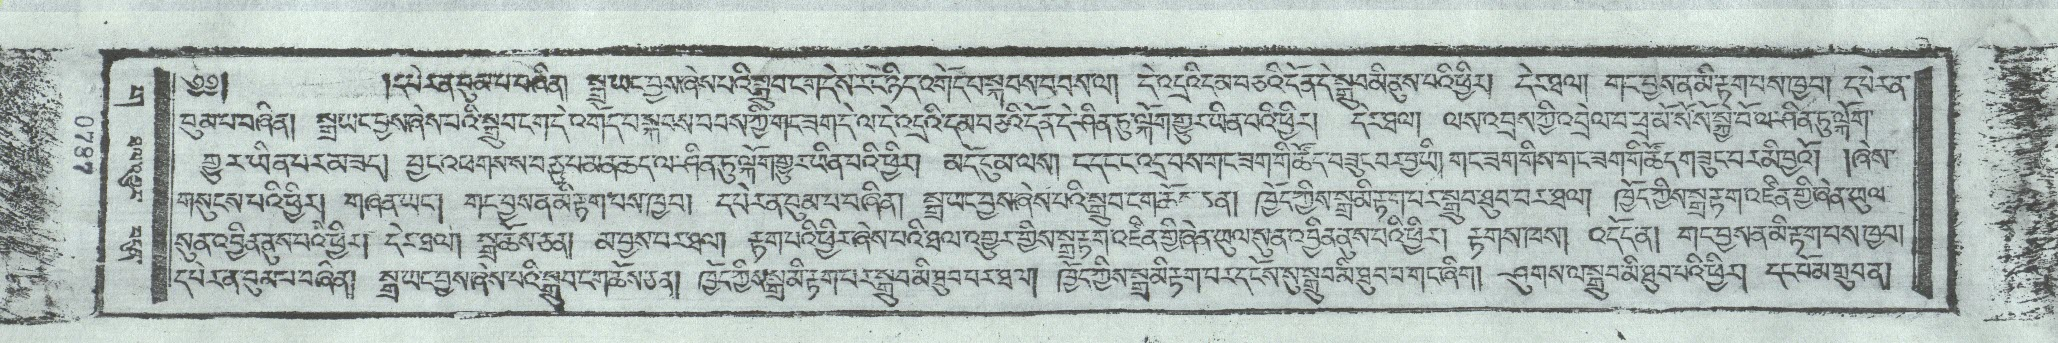༄༅། །དཔེར་ན་བུམ་པ་བཞིན། སྒྲ་ཡང་བྱས་ཞེས་པའི་སྒྲུབ་ངག་དེས་རང་ཉིད་འགོད་པ་སྐབས་བབས་ལ། དེ་འདྲའི་དམ་བཅའི་དོན་དེ་སྒྲུབ་མི་ནུས་པའི་ཕྱིར། དེར་ཐལ། གང་བྱས་ན་མི་རྟག་པས་ཁྱབ། དཔེར་ན་
བུམ་པ་བཞིན། སྒྲ་ཡང་བྱས་ཞེས་པའི་སྒྲུབ་ངག་དེ་འགོད་པ་སྐབས་བབས་ཀྱི་གང་ཟག་དེ་ལ་དེ་འདྲའི་དམ་བཅའི་དོན་དེ་ཤིན་ཏུ་ལྐོག་གྱུར་ཡིན་པའི་ཕྱིར། དེར་ཐལ། ལས་འབྲས་ཀྱི་འབྲེལ་བ་ཕྲ་མོ་སོ་སོ་སྐྱེ་བོ་ལ་ཤིན་ཏུ་ལྐོག་
གྱུར་ཡིན་པར་མ་ཟད། བྱང་འཕགས་བཅུ་པ་མན་ཆད་ལ་ཤིན་ཏུ་ལྐོག་གྱུར་ཡིན་པའི་ཕྱིར། མདོ་དུ་མ་ལས། ང་དང་འདྲ་བས་གང་ཟག་གི་ཚོད་བཟུང་བར་བྱ་ཡི། གང་ཟག་གིས་གང་ཟག་གི་ཚོད་གཟུང་བར་མི་བྱའོ། །ཞེས་
གསུངས་པའི་ཕྱིར། གཞན་ཡང་། གང་བྱས་ན་མི་རྟག་བས་ཁྱབ། དཔེར་ན་བུམ་པ་བཞིན། སྒྲ་ཡང་བྱས་ཞེས་པའི་སྒྲུབ་ངག་ཆོས་ཅན། ཁྱོད་ཀྱིས་སྒྲ་མི་རྟག་པར་སྒྲུབ་ཐུབ་པར་ཐལ། ཁྱོད་ཀྱིས་སྒྲ་རྟག་འཛིན་གྱི་ཞེན་ཡུལ་
སུན་འབྱིན་ནུས་པའི་ཕྱིར། དེར་ཐལ། སྒྲ་ཆོས་ཅན། མ་བྱས་པར་ཐལ། རྟག་པའི་ཕྱིར་ཞེས་པའི་ཐལ་འགྱུར་གྱིས་སྒྲ་རྟག་འཛིན་གྱི་ཞེན་ཡུལ་སུན་འབྱིན་ནུས་པའི་ཕྱིར། རྟགས་ཁས། འདོད་ན། གང་བྱས་ན་མི་རྟག་པས་ཁྱབ།
དཔེར་ན་བུམ་པ་བཞིན། སྒྲ་ཡང་བྱས་ཞེས་པའི་སྒྲུབ་ངག་ཆོས་ཅན། ཁྱོད་ཀྱིས་སྒྲ་མི་རྟག་པར་སྒྲུབ་མི་ཐུབ་པར་ཐལ། ཁྱོད་ཀྱིས་སྒྲ་མི་རྟག་པར་དངོས་སུ་སྒྲུབ་མི་ཐུབ་པ་གང་ཞིག། ཤུགས་ལ་སྒྲུབ་མི་ཐུབ་པའི་ཕྱིར། དང་པོ་མ་གྲུབ་ན།